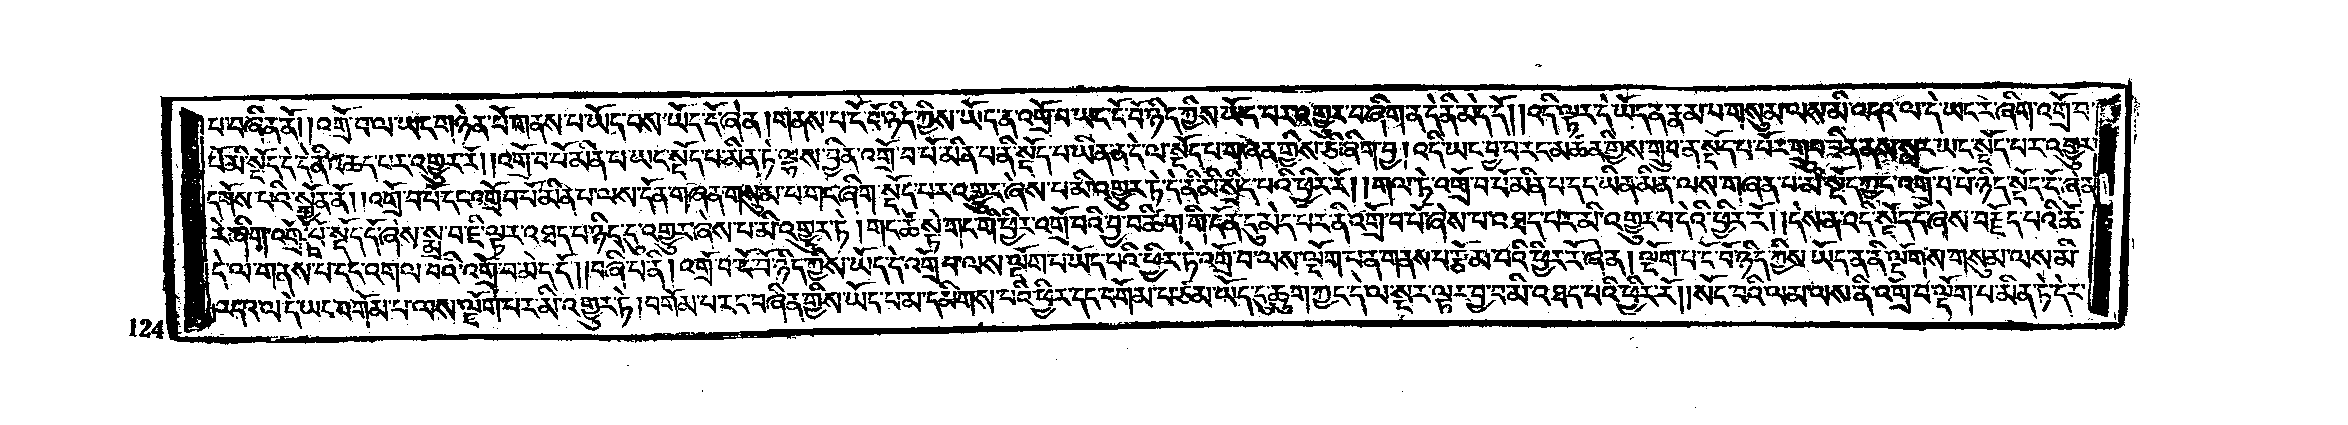པ་བཞིན་ནོ། །འགྲོ་བ་ལ་ཡང་གཉེན་པོ་གནས་པ་ཡོད་པས་ཡོད་དོ་ཞེ་ན། གནས་པ་ངོ་བོ་ཉིད་ཀྱིས་ཡོད་ན་འགྲོ་བ་ཡང་ངོ་བོ་ཉིད་ཀྱིས་ཡོད་པར་འགྱུར་བ་ཞིག་ན་དེ་ནི་མེད་དོ། །འདི་ལྟར་དེ་ཡོད་ན་རྣམ་པ་གསུམ་ལས་མི་འདའ་ལ་དེ་ཡང་རེ་ཞིག་འགྲོ་བ་
པོ་མི་སྡོད་དེ་དེ་ནི་འཆད་པར་འགྱུར་རོ། །འགྲོ་བ་པོ་མིན་པ་ཡང་སྡོད་པ་མིན་ཏེ་ལྷས་བྱིན་འགྲོ་བ་པོ་མིན་པ་ནི་སྡོད་པ་ཡིན་ན་དེ་ལ་སྡོད་པ་གཞན་གྱིས་ཅི་ཞིག་བྱ། འདི་ཡང་བྱ་བ་རང་མཚན་གྱིས་གྲུབ་ན་སྡོད་པ་པོར་གྲུབ་ཟིན་ནས་སླར་ཡང་སྡོད་པར་འགྱུར་
དགོས་པའི་སྐྱོན་ནོ། །འགྲོ་བ་པོ་དང་འགྲོ་བ་པོ་མིན་པ་ལས་དོན་གཞན་གསུམ་པ་གང་ཞིག་སྡོད་པར་འགྱུར་ཞེས་པ་མི་འགྱུར་ཏེ་དེ་ནི་མི་སྲིད་པའི་ཕྱིར་རོ། །གལ་ཏེ་འགྲོ་བ་པོ་མིན་པ་དང་ཡིན་མིན་ལས་གཞན་པ་མི་སྡོད་ཀྱང་འགྲོ་བ་པོ་ཉིད་སྡོད་དོ་ཞེ་ན་
རེ་ཞིག་འགྲོ་བ་པོ་སྡོད་དོ་ཞེས་སྨྲ་བ་ཇི་ལྟར་འཐད་པ་ཉིད་དུ་འགྱུར་ཞེས་པ་མི་འགྱུར་ཏེ། གང་ཚེ་སྟེ་གང་གི་ཕྱིར་འགྲོ་བའི་བྱ་བ་ཚིག་གི་དོན་དུ་མེད་པར་ནི་འགྲོ་བ་པོ་ཞེས་པ་འཐད་པར་མི་འགྱུར་བ་དེའི་ཕྱིར་རོ། །དེས་ན་འདི་སྡོད་དོ་ཞེས་བརྗོད་པའི་ཚེ་
དེ་ལ་གནས་པ་དང་འགལ་བའི་འགྲོ་བ་མེད་དོ། །བཞི་པ་ནི། འགྲོ་བ་ངོ་བོ་ཉིད་ཀྱིས་ཡོད་དེ་འགྲོ་བ་ལས་ལྡོག་པ་ཡོད་པའི་ཕྱིར་ཏེ་འགྲོ་བ་ལས་ལྡོག་པ་ན་གནས་པ་རྩོམ་པའི་ཕྱིར་རོ་ཞེ་ན། ལྡོག་པ་ངོ་བོ་ཉིད་ཀྱིས་ཡོད་ན་ནི་ལྡོགས་གསུམ་ལས་མི་
འདའ་ལ་དེ་ཡང་བགོམ་པ་ལས་ལྡོག་པར་མི་འགྱུར་ཏེ། བགོམ་པ་རང་བཞིན་གྱིས་ཡོད་པ་མ་དམིགས་པའི་ཕྱིར་དང་བགོམ་པ་ཙམ་ཡོད་དུ་ཆུག་ཀྱང་དེ་ལ་སྔར་ལྟར་བྱ་བ་མི་འཐད་པའི་ཕྱིར་རོ། །སོང་བའི་ལམ་ལས་ནི་འགྲོ་བ་ལྡོག་པ་མིན་ཏེ་དེར་